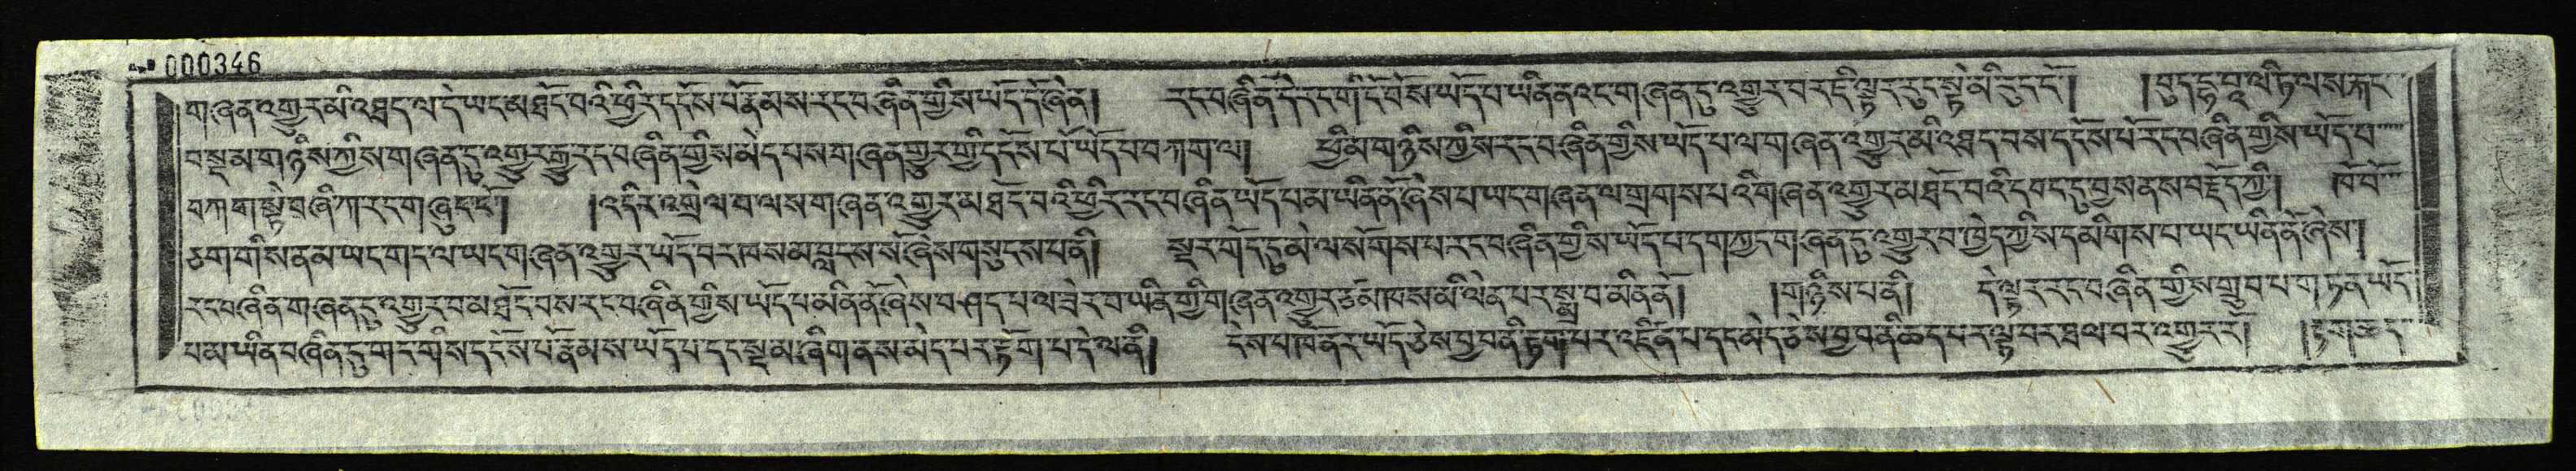གཞན་འགྱུར་མི་འཐད་ལ་དེ་ཡང་མཐོང་བའི་ཕྱིར་དངོས་པོ་རྣམས་རང་བཞིན་གྱིས་ཡོད་དོ་ཞེ་ན། རང་བཞིན་དེ་རང་གི་ངོ་བོས་ཡོད་པ་ཡིན་ནའང་གཞན་དུ་འགྱུར་བར་ཇི་ལྟར་རུང་སྟེ་མི་རུང་ངོ། །བུད་དྷ་པཱ་ལི་ཏ་ལས་རྐང་
པ་སྔ་མ་གཉིས་ཀྱིས་གཞན་དུ་འགྱུར་རྒྱུ་རང་བཞིན་གྱིས་མེད་པས་གཞན་གྱུར་གྱི་དངོས་པོ་ཡོད་པ་བཀག་ལ། ཕྱི་མ་གཉིས་ཀྱིས་རང་བཞིན་གྱིས་ཡོད་པ་ལ་གཞན་འགྱུར་མི་འཐད་པས་དངོས་པོ་རང་བཞིན་གྱིས་ཡོད་པ་
བཀག་སྟེ་བཞི་ཀ་རང་གཞུང་ངོ། །འདིར་འགྲེལ་བ་ལས་གཞན་འགྱུར་མཐོང་བའི་ཕྱིར་རང་བཞིན་ཡོད་པ་མ་ཡིན་ནོ་ཞེས་པ་ཡང་གཞན་ལ་གྲགས་པའི་གཞན་འགྱུར་མཐོང་བའི་དབང་དུ་བྱས་ནས་བརྗོད་ཀྱི། ཁོ་བོ་
ཅག་གིས་ནམ་ཡང་གང་ལ་ཡང་གཞན་འགྱུར་ཡོད་བར་ཁས་མ་བླངས་སོ་ཞེས་གསུངས་པ་ནི། སྔར་གོང་དུ་མེ་ལ་སོགས་པ་རང་བཞིན་གྱིས་ཡོད་པ་དག་ཀྱང་གཞན་དུ་འགྱུར་བ་ཁྱེད་ཀྱིས་དམིགས་པ་ཡང་ཡིན་ནོ་ཞེས།
རང་བཞིན་གཞན་དུ་འགྱུར་བ་མཐོང་བས་རང་བཞིན་གྱིས་ཡོད་པ་མིན་ནོ་ཞེས་བཤད་པ་ལ་ཟེར་བ་ཡིན་གྱི་གཞན་འགྱུར་ཙམ་ཁས་མི་ལེན་པར་སྨྲ་བ་མིན་ནོ། །གཉིས་པ་ནི། དེ་ལྟར་རང་བཞིན་གྱིས་གྲུབ་པ་གཏན་ཡོད་
པ་མ་ཡིན་བཞིན་དུ་གང་གིས་དངོས་པོ་རྣམས་ཡོད་པ་དང་སྔ་མ་ཞིག་ནས་མེད་པར་རྟོག་པ་དེ་ལ་ནི། ངེས་པ་ཁོ་ནར་ཡོད་ཅེས་བྱ་བ་ནི་རྟག་པར་འཛིན་པ་དང་མེད་ཅེས་བྱ་བ་ནི་ཆད་པར་ལྟ་བར་ཐལ་བར་འགྱུར་རོ། །རྟག་ཆད་